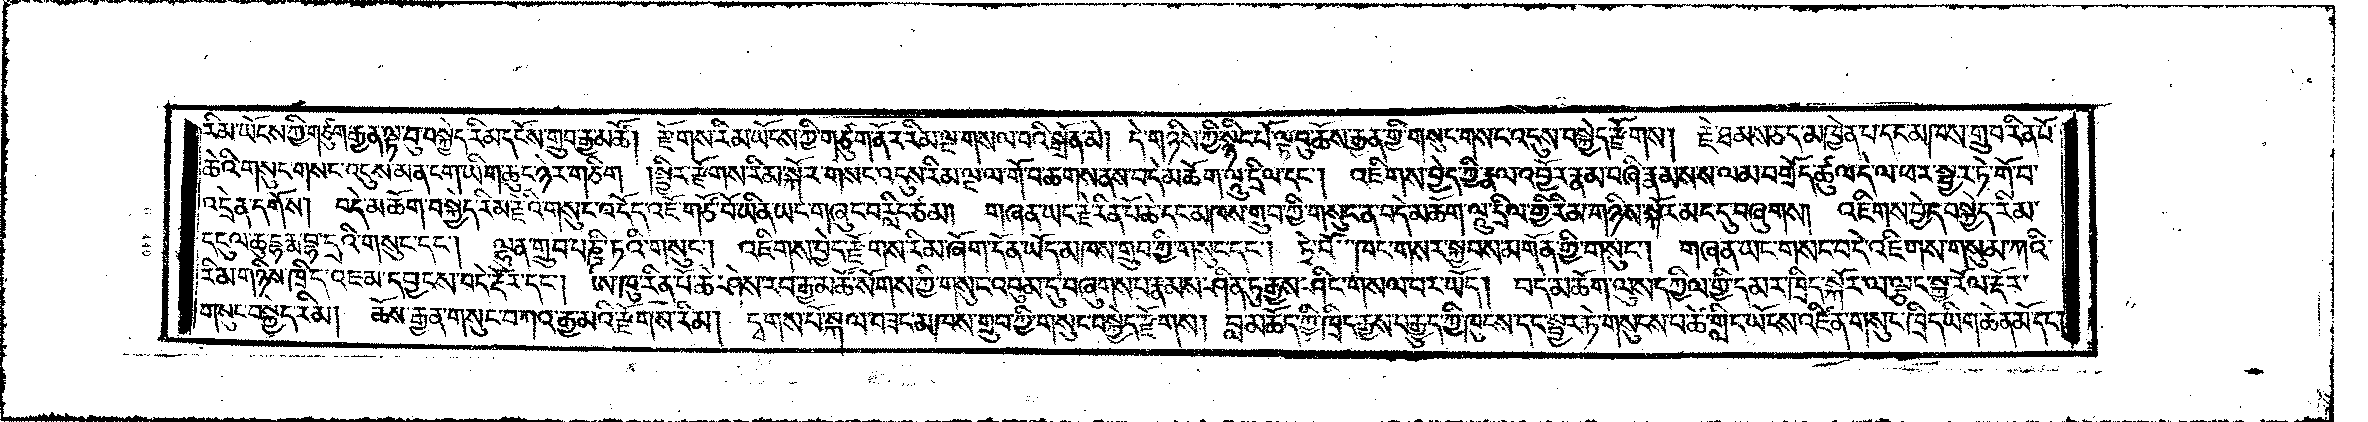རིམ་ཡོངས་ཀྱི་གཙུག་རྒྱན་ལྟ་བུ་བསྐྱེད་རིམ་དངོས་གྲུབ་རྒྱ་མཚོ། རྫོགས་རིམ་ཡོངས་ཀྱི་གཙུག་ནོར་རིམ་ལྔ་གསལ་བའི་སྒྲོན་མེ། དེ་གཉིས་ཀྱི་སྙིང་པོ་ལྟ་བུ་ཆོས་རྒྱན་གྱི་གསུང་གསང་འདུས་བསྐྱེད་རྫོགས། རྗེ་ཐམས་ཅད་མཁྱེན་པ་དང་མཁས་གྲུབ་རིན་པོ་
ཆེའི་གསུང་གསང་འདུས་མན་ངག་ཡིག་ཆུང་ཉེར་གཅིག །སྤྱིར་རྫོགས་རིམ་སྐོར་གསང་འདུས་རིམ་ལྔ་ལ་གོ་བ་ཆགས་ནས་བདེ་མཆོག་ལཱུ་དྲིལ་དང་། འཇིགས་བྱེད་ཀྱི་རྣལ་འབྱོར་རྣམ་བཞི་རྣམས་ལ་སམ་བགྲོད་ཚུལ་དེ་ལ་ཕར་སྦྱར་ཏེ་གོ་བ་
འདྲེན་དགོས། བདེ་མཆོག་བསྐྱེད་རིམ་རྗེའི་གསུང་འདོད་འཇོ་གཙོ་བོ་ཡིན་ཡང་གཞུང་བརླིང་ཙམ། གཞན་ཡང་རྗེ་རིན་པོ་ཆེ་དང་མཁས་གྲུབ་ཀྱི་གསུང་ན་བདེ་མཆོག་ལཱུ་དྲིལ་གྱི་རིམ་གཉིས་སྐོར་མང་དུ་བཞུགས། འཇིགས་བྱེད་བསྐྱེད་རིམ་
དངུལ་ཆུ་དྷརྨ་བྷ་དྲའི་གསུང་དང་། ལྷུན་གྲུབ་པཎྜི་ཏའི་གསུང་། འཇིགས་བྱེད་རྫོགས་རིམ་ཞོག་དོན་ཡོད་མཁས་གྲུབ་ཀྱི་གསུང་དང་། ཏྲེ་བོ་ཁང་གསར་སྐྱབས་མགོན་གྱི་གསུང་། གཞན་ཡང་གསང་བདེ་འཇིགས་གསུམ་ཀའི་
རིམ་གཉིས་ཁྲིད་འཇམ་དབྱངས་བདེ་རྡོར་དང་། ཨ་ཁུ་རིན་པོ་ཆེ་ཤེས་རབ་རྒྱ་མཚོ་སོགས་ཀྱི་གསུང་འབུམ་དུ་བཞུགས་པ་རྣམས་ཤིན་ཏུ་རྒྱས་ཤིང་གསལ་བར་ཡོད། བདེ་མཆོག་ལུས་དཀྱིལ་གྱི་དམར་ཁྲིད་སྐོར་ལ་ལྕང་སྐྱ་རོལ་རྡོར་
གསུང་བསྐྱེད་རིམ། ཆོས་རྒྱན་གསུང་བཀའ་རྒྱ་མའི་རྫོགས་རིམ། དྭགས་པོ་སྐལ་བཟང་མཁས་གྲུབ་ཀྱི་གསུང་བསྐྱེད་རྫོགས། བླ་མཆོད་ཀྱི་ཁྲིད་རྒྱས་བརྒྱུད་ཀྱི་ཁུངས་དང་སྦྱར་ཏེ་གསུངས་པ་ཚེ་གླིང་ཡོངས་འཛིན་གསུང་ཁྲིད་ཡིག་ཆེན་མོ་དང་